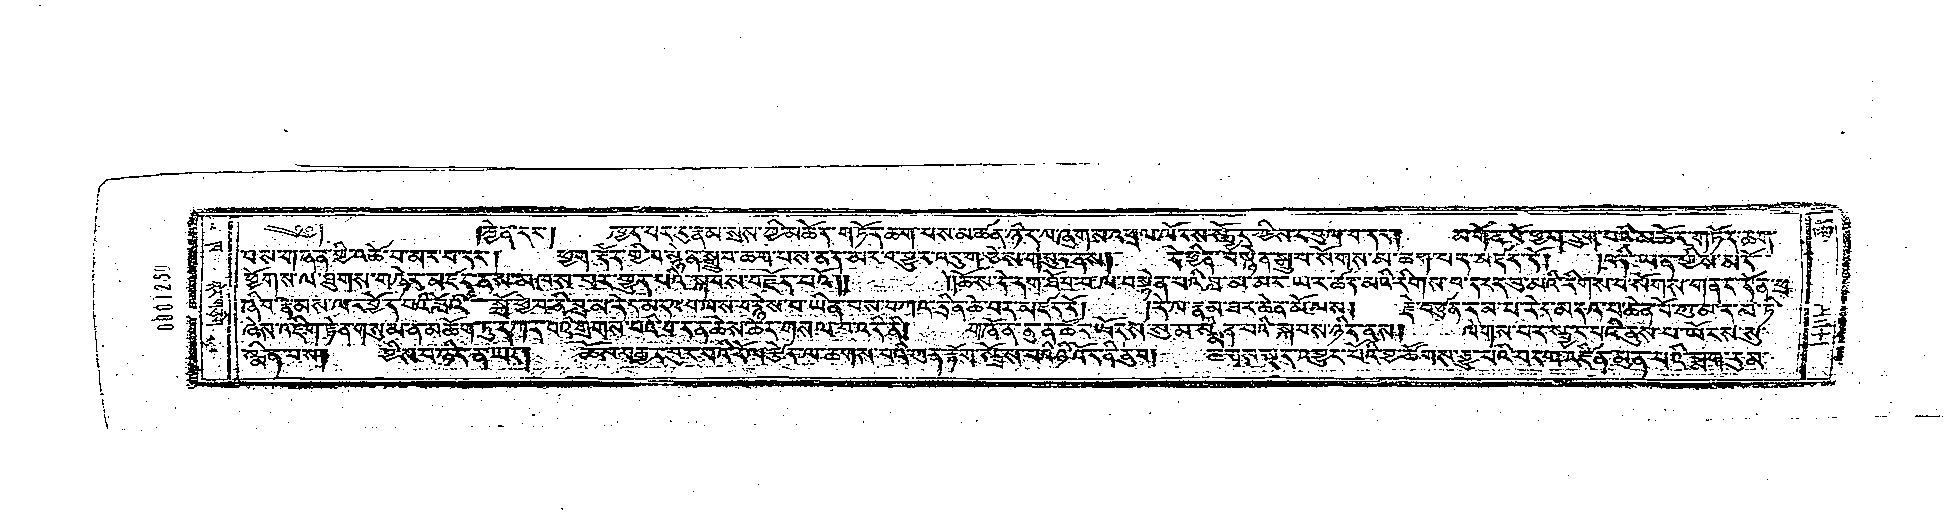༄༅། །རྐྱེན་དང་། ཁྱད་པར་དུ་རྣམ་སྲས་ཀྱི་མཆོད་གཏོར་ཆག་པས་མཚན་ཉིད་ལ་ཞུགས་འཕྲལ་ལོངས་སྤྱོད་ཀྱིས་དབུལ་བ་དང་། མགོན་པོ་ཕྱག་དྲུག་པའི་མཆོད་གཏོར་ཆག་
པས་གཞན་གྱི་འཚོ་བ་མང་བ་དང་། ཕྱག་རྡོར་གྱི་བསྙེན་སྒྲུབ་ཆག་པས་ནད་མང་བ་བྱུང་འདུག་ཅེས་གསུང་ནས། དེ་ཕྱིན་བསྙེན་སྒྲུབ་སོགས་མ་ཆག་པར་མཛད་དོ། །འདི་ཡན་གྱིས་མདོ་
ཕྱོགས་ལ་ཐུགས་གཉེར་མཛད་ནས་མཁས་པར་གྱུར་པའི་སྐབས་བརྗོད་པའོ།། །།ཆོས་དེ་དག་ཐོབ་པ་ལ་བསྟེན་པའི་བླ་མ་མང་ཡང་ཚད་མའི་རིགས་པ་དང་དབུ་མའི་རིགས་པ་སོགས་གནང་དོན་ཕྲ་
ཞིབ་རྣམས་ལ་དཔྱོད་པའི་བློའི་སྒོ་ཕྱེ་བ་ནི་བླ་མ་རེང་མདའ་བ་ལས་བསྙེས་པ་ཡིན་པས་བཀའ་དྲིན་ཆེ་པར་མཛད་དོ། །རེ་ལ་རྣམ་ཐར་ཆེན་མོ་ལས། རྗེ་བཙུན་དམ་པ་རེད་མདའ་པ་ཆེན་པོ་ཀུ་མ་ར་མ་ཏི་
ཞེས་འཇིག་རྟེན་གསུམ་ན་མཆོག་ཏུ་དཀར་བའི་གྲགས་བའི་བ་ངན་ཆེས་ཆེར་གསལ་བ་འདི་ནི། གཞོན་ནུ་ན་ཚོད་ཡོངས་སུམ་སྨིན་པའི་སྐབས་ཉིད་ནས། ལེགས་པར་སྤྱང་པའི་ནུས་པ་ཡོངས་སུ་
སྨིན་པས། བྱིས་པ་ཉིད་ན་ཡང་། ཆོས་བརྒྱད་བུར་བའི་རོལ་རྩེད་ལ་ཆགས་པའི་ཀུན་རྟོག་སྦྲོས་པའི་ཉི་འོང་ནི་ནུབ། ཆགས་སྡང་འབྱུང་པོའི་བྱ་ཚོགས་རྒྱུ་པའི་བདག་འཛིན་མུན་པའི་སྨག་རུམ་